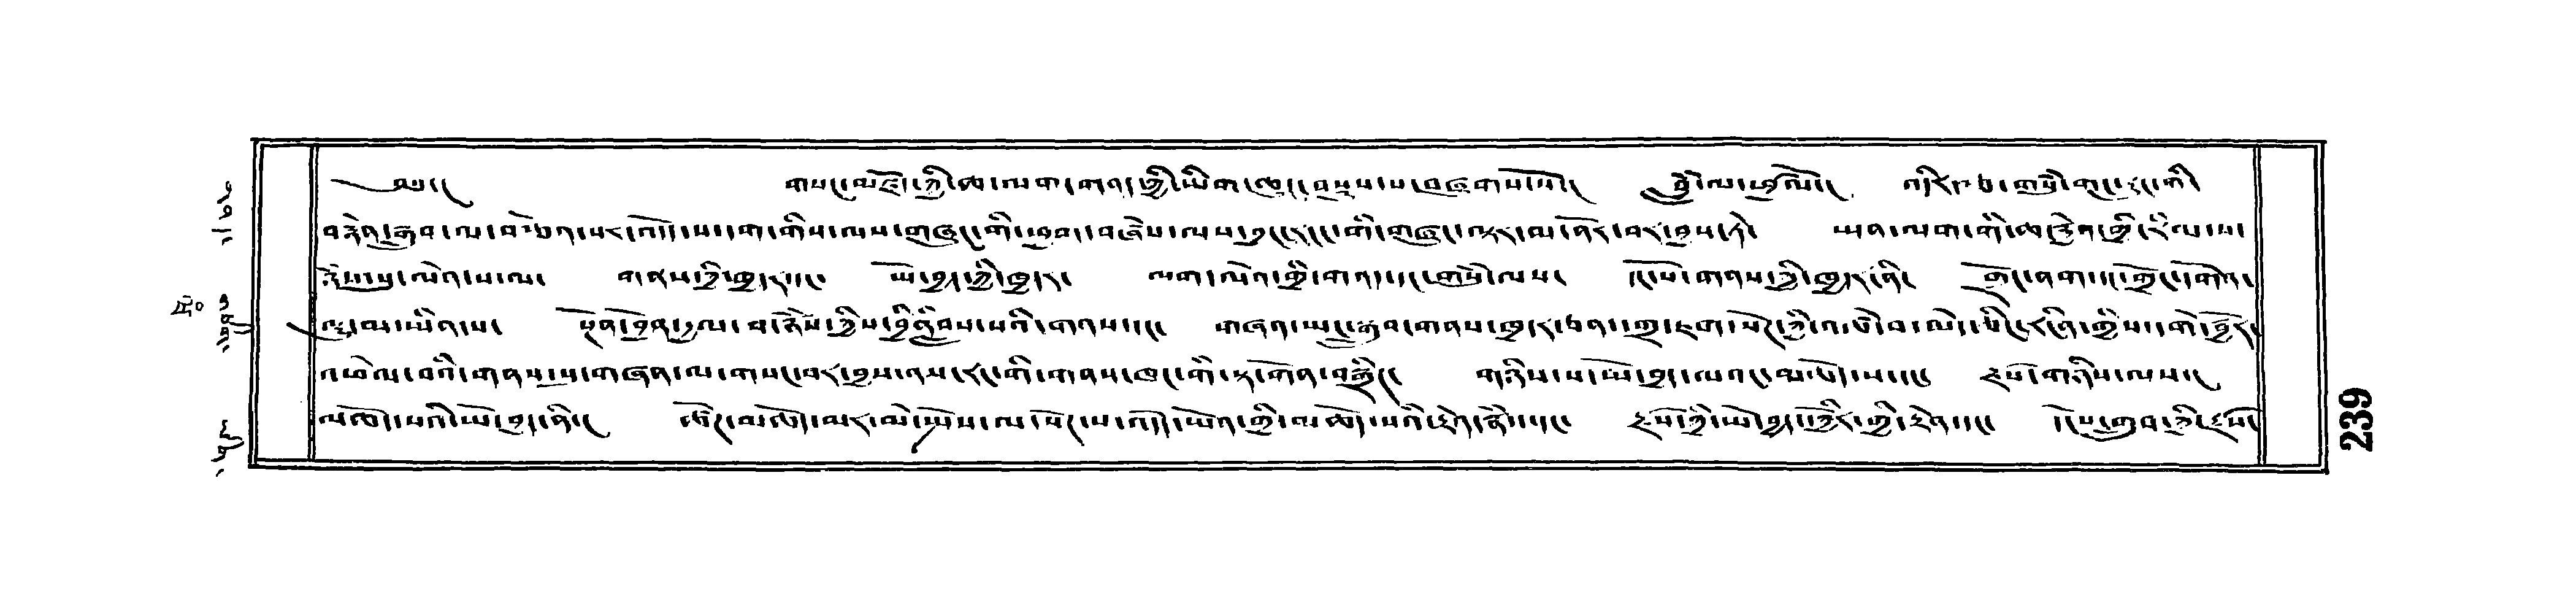གསང་མཛོད་ཀྱི་ཆ་ལག་གནད་ཀྱི་ཡིག་ཆུང་བསྡུས་པ་བཞུགས་སོ། བླ་མ་ལ་ཕྱག་འཚལ་ལོ། འདིར་རྩ་གསུམ་གང་རུང་གི་
བསྙེན་སྒྲུབ་ལ་བརྩོན་པར་འདོད་པ་དག་གིས་ལས་གཞུང་གི་ཕྱག་བཞེས་ལས་བྱང་རང་རང་གི་གཞུང་ལྟར་མ་ནོར་བར་བྱས་ཏེ། ཡན་ལག་གི་ཆ་རྐྱེན་གྱི་རིམ་པ་
ཉམས་སུ་ལེན་པ་ལ། གནས་ཀྱི་ཁྱད་པར་དང་། ཡོ་བྱད་ཀྱི་ཁྱད་པར། ལག་ལེན་གྱི་གནད་དང་གསུམ་ལས། དང་པོ་གནས་ཀྱི་ཁྱད་པར་ནི། གྲོང་ནག་དང་གྲོང་དགོན་
ལྟ་བུ་མ་ཡིན་པ། སྔོན་བྱོན་རྒྱལ་བ་རྣམས་ཀྱིས་བྱིན་གྱི་བརླབས་པའི་གནས་དང་། གཞན་ཡང་སྒྲུབ་གནས་ཁྱད་པར་ཅན་དགྲ་ཇག་སོགས་ཀྱི་འཚེ་བ་མེད་ཅིང་རང་བཞིན་གྱིས་དགེ་སྦྱོར་
འཕེལ་བའི་གནས་སུ་གཞན་ལ་གསང་བར་བྱས་ནས་རང་གི་གནས་ཁང་གི་སྟ་གོན་བསྒྲིགས། གཉིས་པ་ཡོ་བྱད་ལའང་མཆོད་པ་དང་། རྫས་གཉིས་ལས། 
མཆོད་པའི་ཡོ་བྱད་ནི། ཚོགས་མཆོད་མར་མེ་སྤོས་ལ་སོགས་པ་འདོད་ཡོན་གྱི་མཆོད་པའི་རྟེན་རྣམས་དང་། རྫས་ཀྱི་ཡོ་བྱད་དཀྱིལ་འཁོར་གྱི་རྟེན་དང་། དངོས་གྲུབ་ཀྱི་རྫས་